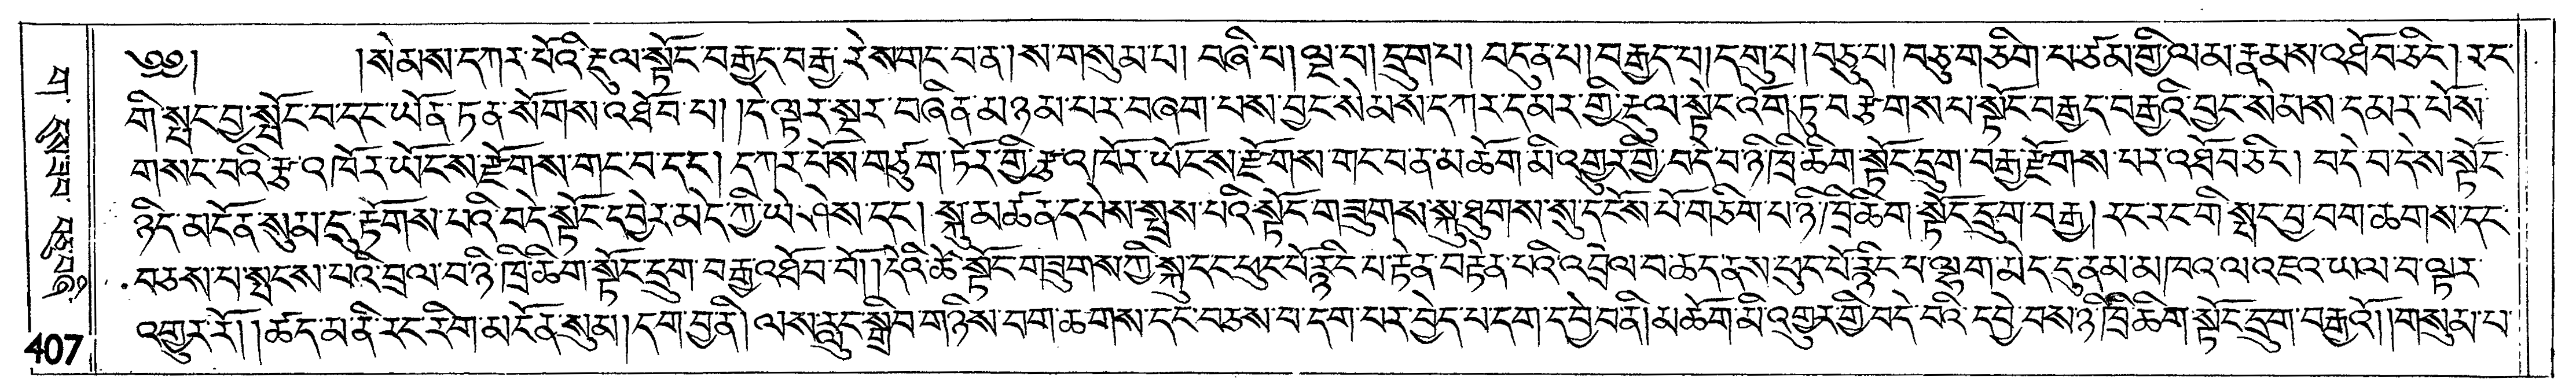༄༅། །སེམས་དཀར་པོའི་རྡུལ་སྟོང་བརྒྱད་བརྒྱ་རེས་གང་བ་ན། ས་གསུམ་པ། བཞི་པ། ལྔ་པ། དྲུག་པ། བདུན་པ། བརྒྱད་པ། དགུ་པ། བཅུ་པ། བཅུ་གཅིག་པ་ཙམ་གྱི་ལམ་རྣམས་འཐོབ་ཅིང་། རང་
གི་སྤང་བྱ་སྤོང་བ་དང་ཡོན་ཏན་སོགས་འཐོབ་པ། །དེ་ལྟར་སྔར་བཞིན་མཉམ་པར་བཞག་པས་བྱང་སེམས་དཀར་དམར་གྱི་རྡུལ་སྟེང་འོག་ཏུ་བརྩེགས་པ་སྟོང་བརྒྱད་བརྒྱའི་བྱང་སེམས་དམར་པོས་
གསང་བའི་རྩ་འཁོར་ཡོངས་རྫོགས་གང་བ་དང་། དཀར་པོས་གཙུག་ཏོར་གྱི་རྩ་འཁོར་ཡོངས་རྫོགས་གང་བ་ན་མཆོག་མི་འགྱུར་གྱི་བདེ་བ་ཉི་ཁྲི་ཆིག་སྟོང་དྲུག་བརྒྱ་རྫོགས་པར་འཐོབ་ཅིང་། བདེ་བ་དེས་སྟོང་
ཉིད་མངོན་སུམ་དུ་རྟོགས་པའི་བདེ་སྟོང་དབྱེར་མེད་ཀྱི་ཡེ་ཤེས་དང་། སྐུ་མཚན་དཔེས་སྤྲས་པའི་སྟོང་གཟུགས་སྐུ་ཐུགས་སུ་དངོས་པོ་གཅིག་པ་ཉི་ཁྲི་ཆིག་སྟོང་དྲུག་བརྒྱ། རང་རང་གི་སྤང་བྱ་བག་ཆགས་དང་
བཅས་པ་སྤངས་པའི་བྲལ་བ་ཉི་ཁྲི་ཆིག་སྟོང་དྲུག་བརྒྱ་འཐོབ་བོ། །དེའི་ཚེ་སྟོང་གཟུགས་ཀྱི་སྐུ་དང་ཕུང་པོ་རྙིང་པ་རྟེན་བརྟེན་པའི་འབྲེལ་བ་ཆད་ནས་ཕུང་པོ་རྙིང་པ་ལྷག་མེད་དུ་ནམ་མཁའ་ལ་འཇའ་ཡལ་བ་ལྟར་
འགྱུར་རོ། །ཚད་མ་ནི་རང་རིག་མངོན་སུམ། དག་བྱ་ནི། ལས་རླུང་སྒྲིབ་གཉིས་བག་ཆགས་དང་བཅས་པ་དག་པར་བྱེད་པ་དག་དབྱེ་བ་ནི། མཆོག་མི་འགྱུར་གྱི་བདེ་བའི་དབྱེ་བས་ཉི་ཁྲི་ཆིག་སྟོང་དྲུག་བརྒྱའོ། །གསུམ་པ་